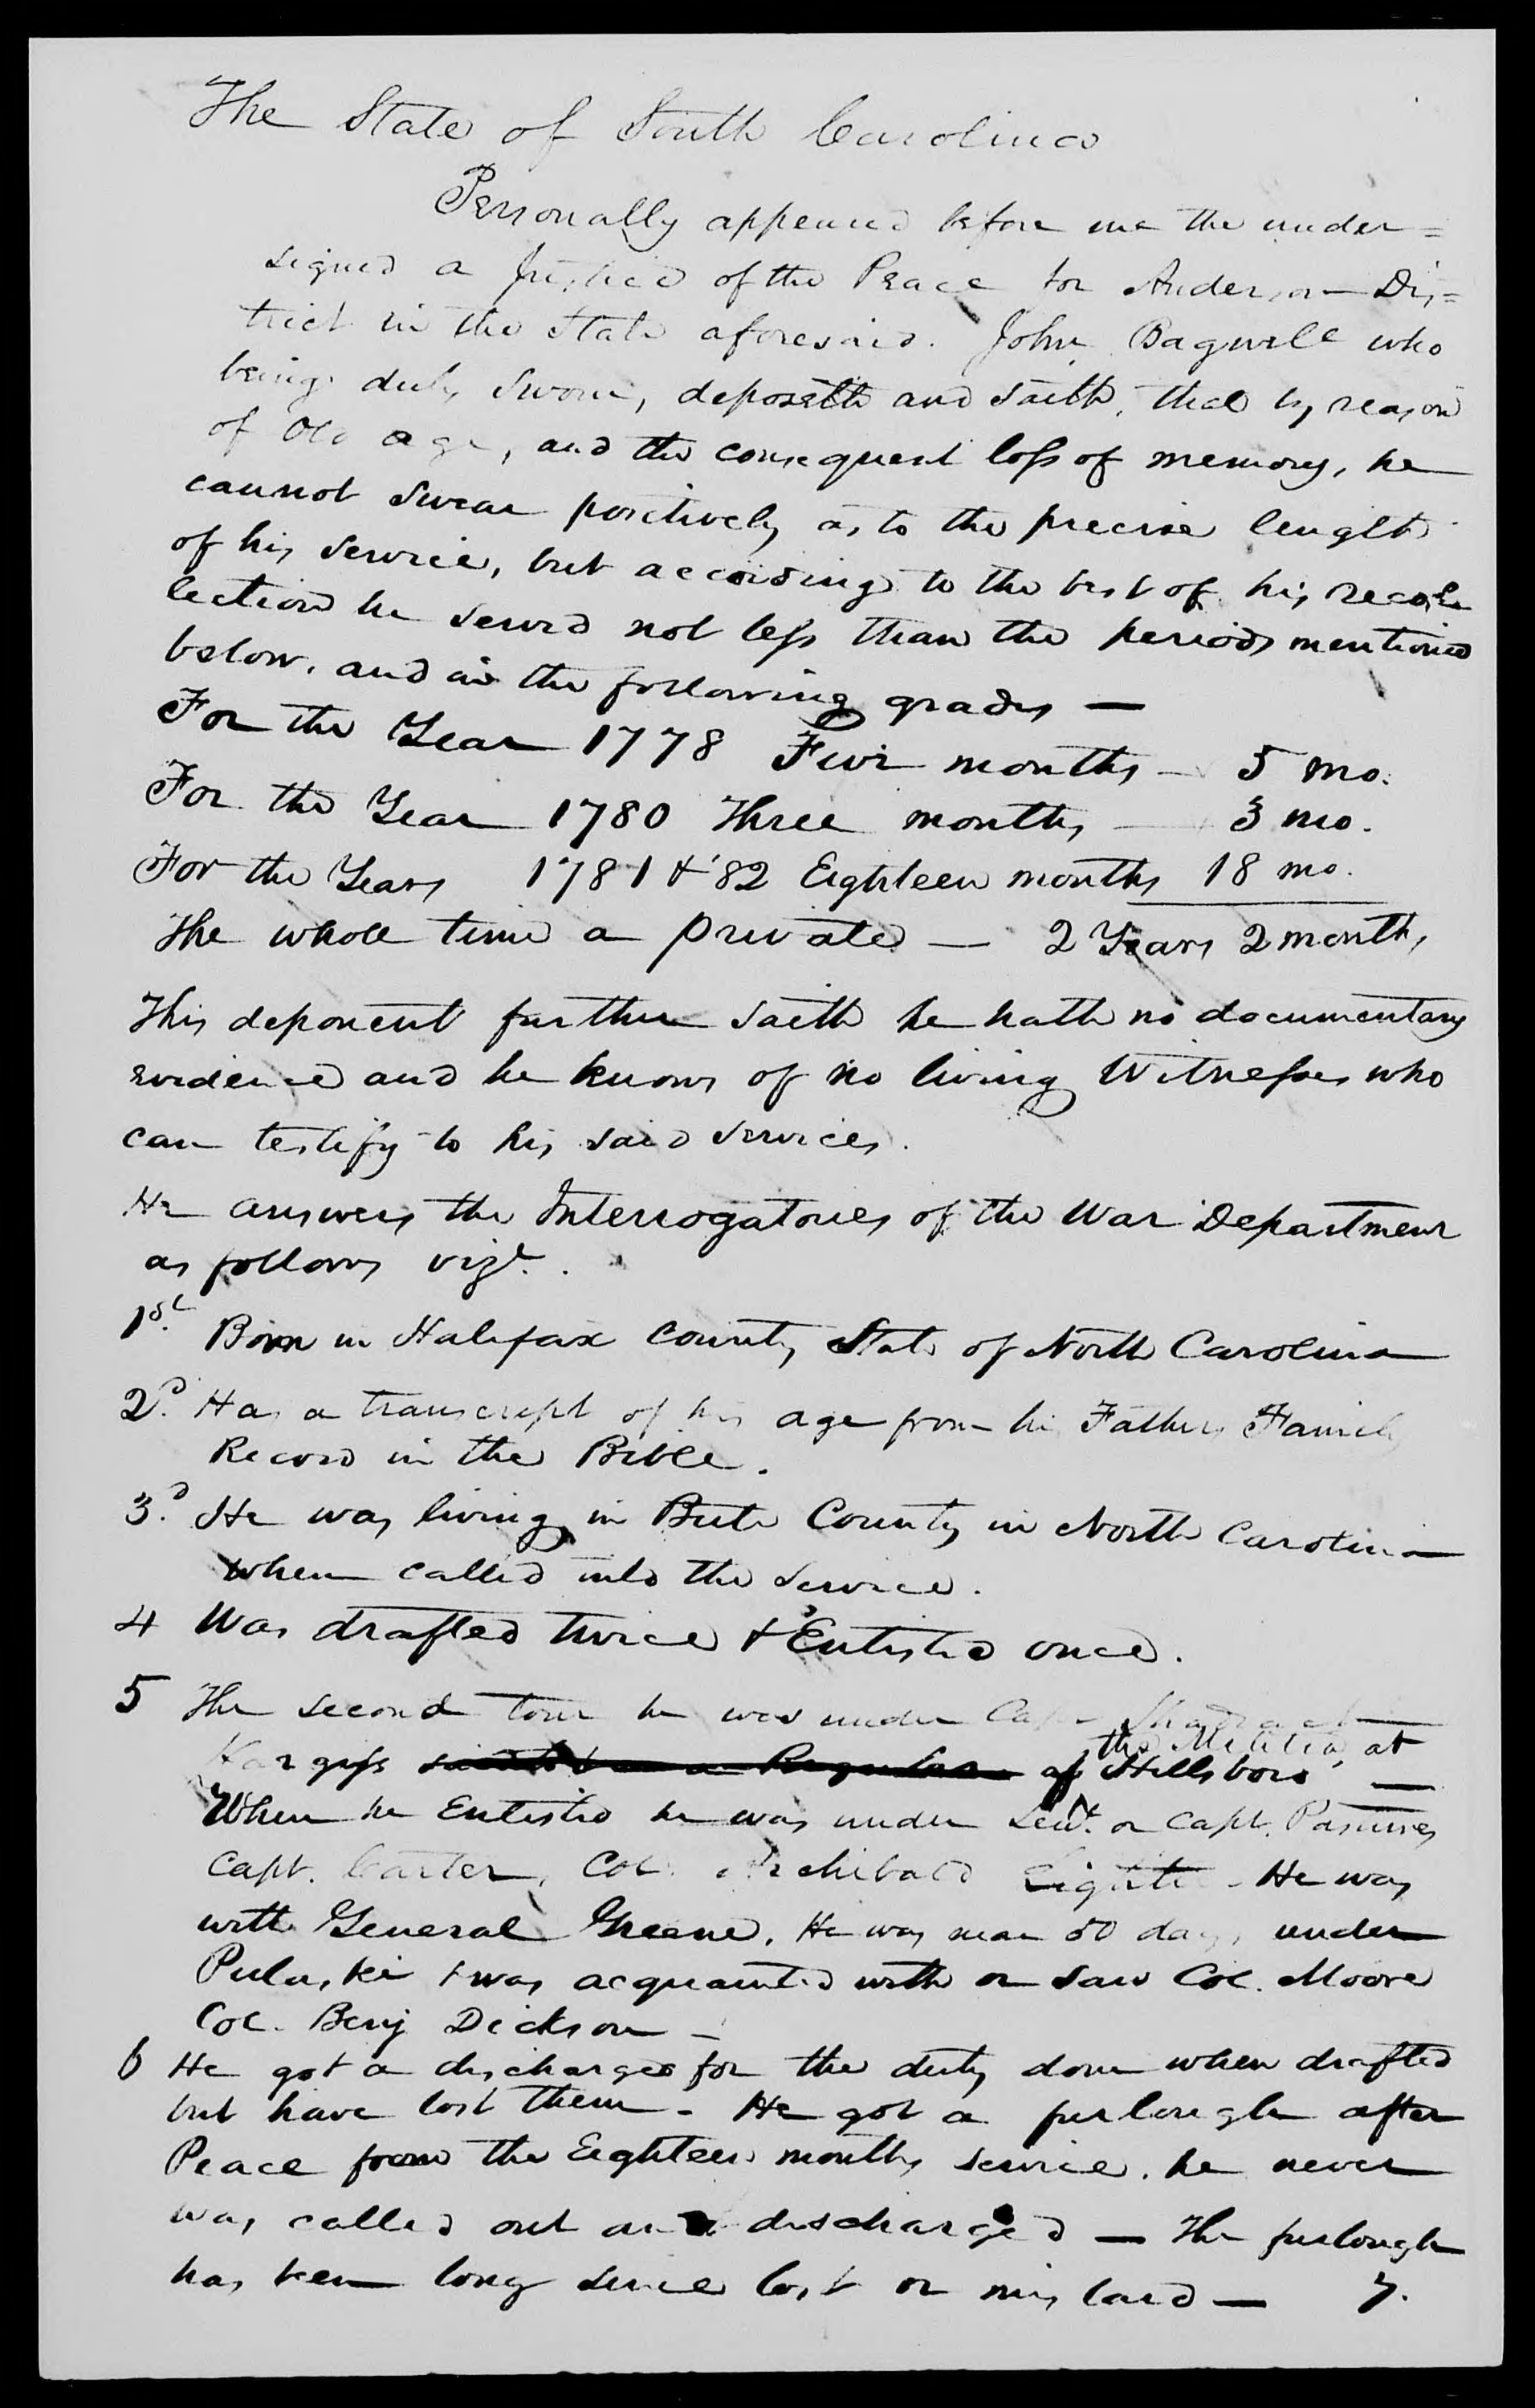The State of South Carolina
Personally appeared before me the under
signed a Justice of the Peace for Anderson 
District in the State aforesaid John Bagwell who
being duly sworn, deposeth and saith, that by reason
of old age, and the consequent loss of memory, he
cannot swear positively as to the precise length
of his service, but according to the best of his recollection he served not less than the periods mentioned
below, and in the following grades
For the year 1778 five months. 5 mo.
For the year 1780 three months- 3 mo
For the years 1781 & '82 Eighteen months 18 mo
The whole time a private - 2 years 2 months
This deponent
further saith he hath no documentary
evidence and he knows of no living witnesses who
can testify to his said service
He answer the Interrogatories of the War Department
as follows [  ]
,
1st
Born in Halifax County State of North Carolina
2nd Has a transcript of his age from his Father, Family
Record in the Bible
3rd He was living in Bute County in North Carolina
when called into the service 
4 was
drafted twice & Enlisted one
5 the second tour he was under Cap Shadrach
Hargiss the militia at of Hillsboro
-
When he enlisted he was under Leut  or Capt. Paning
Capt. Carter, Col. Archibald Lightle He was
with General Greene, He was near 50 day, under
[  ]  was acquainted with or saw Col. Moore
Col. Benj Dickson
-
6 He got a discharge for the duty done when drafted
but have lost them. He got a furlough after
Peace from the Eighteen months service he never
was called out and discharged. The furlough
has been long since lost or mislaid
[  ]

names: Paning, John Bagwell, Moore, Archibald Lightle, Carter, Greene, Benj Dickson, Shadrach Hargiss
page: 5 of 36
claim: survivor's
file: S 6571, John Bagwell, N.C.